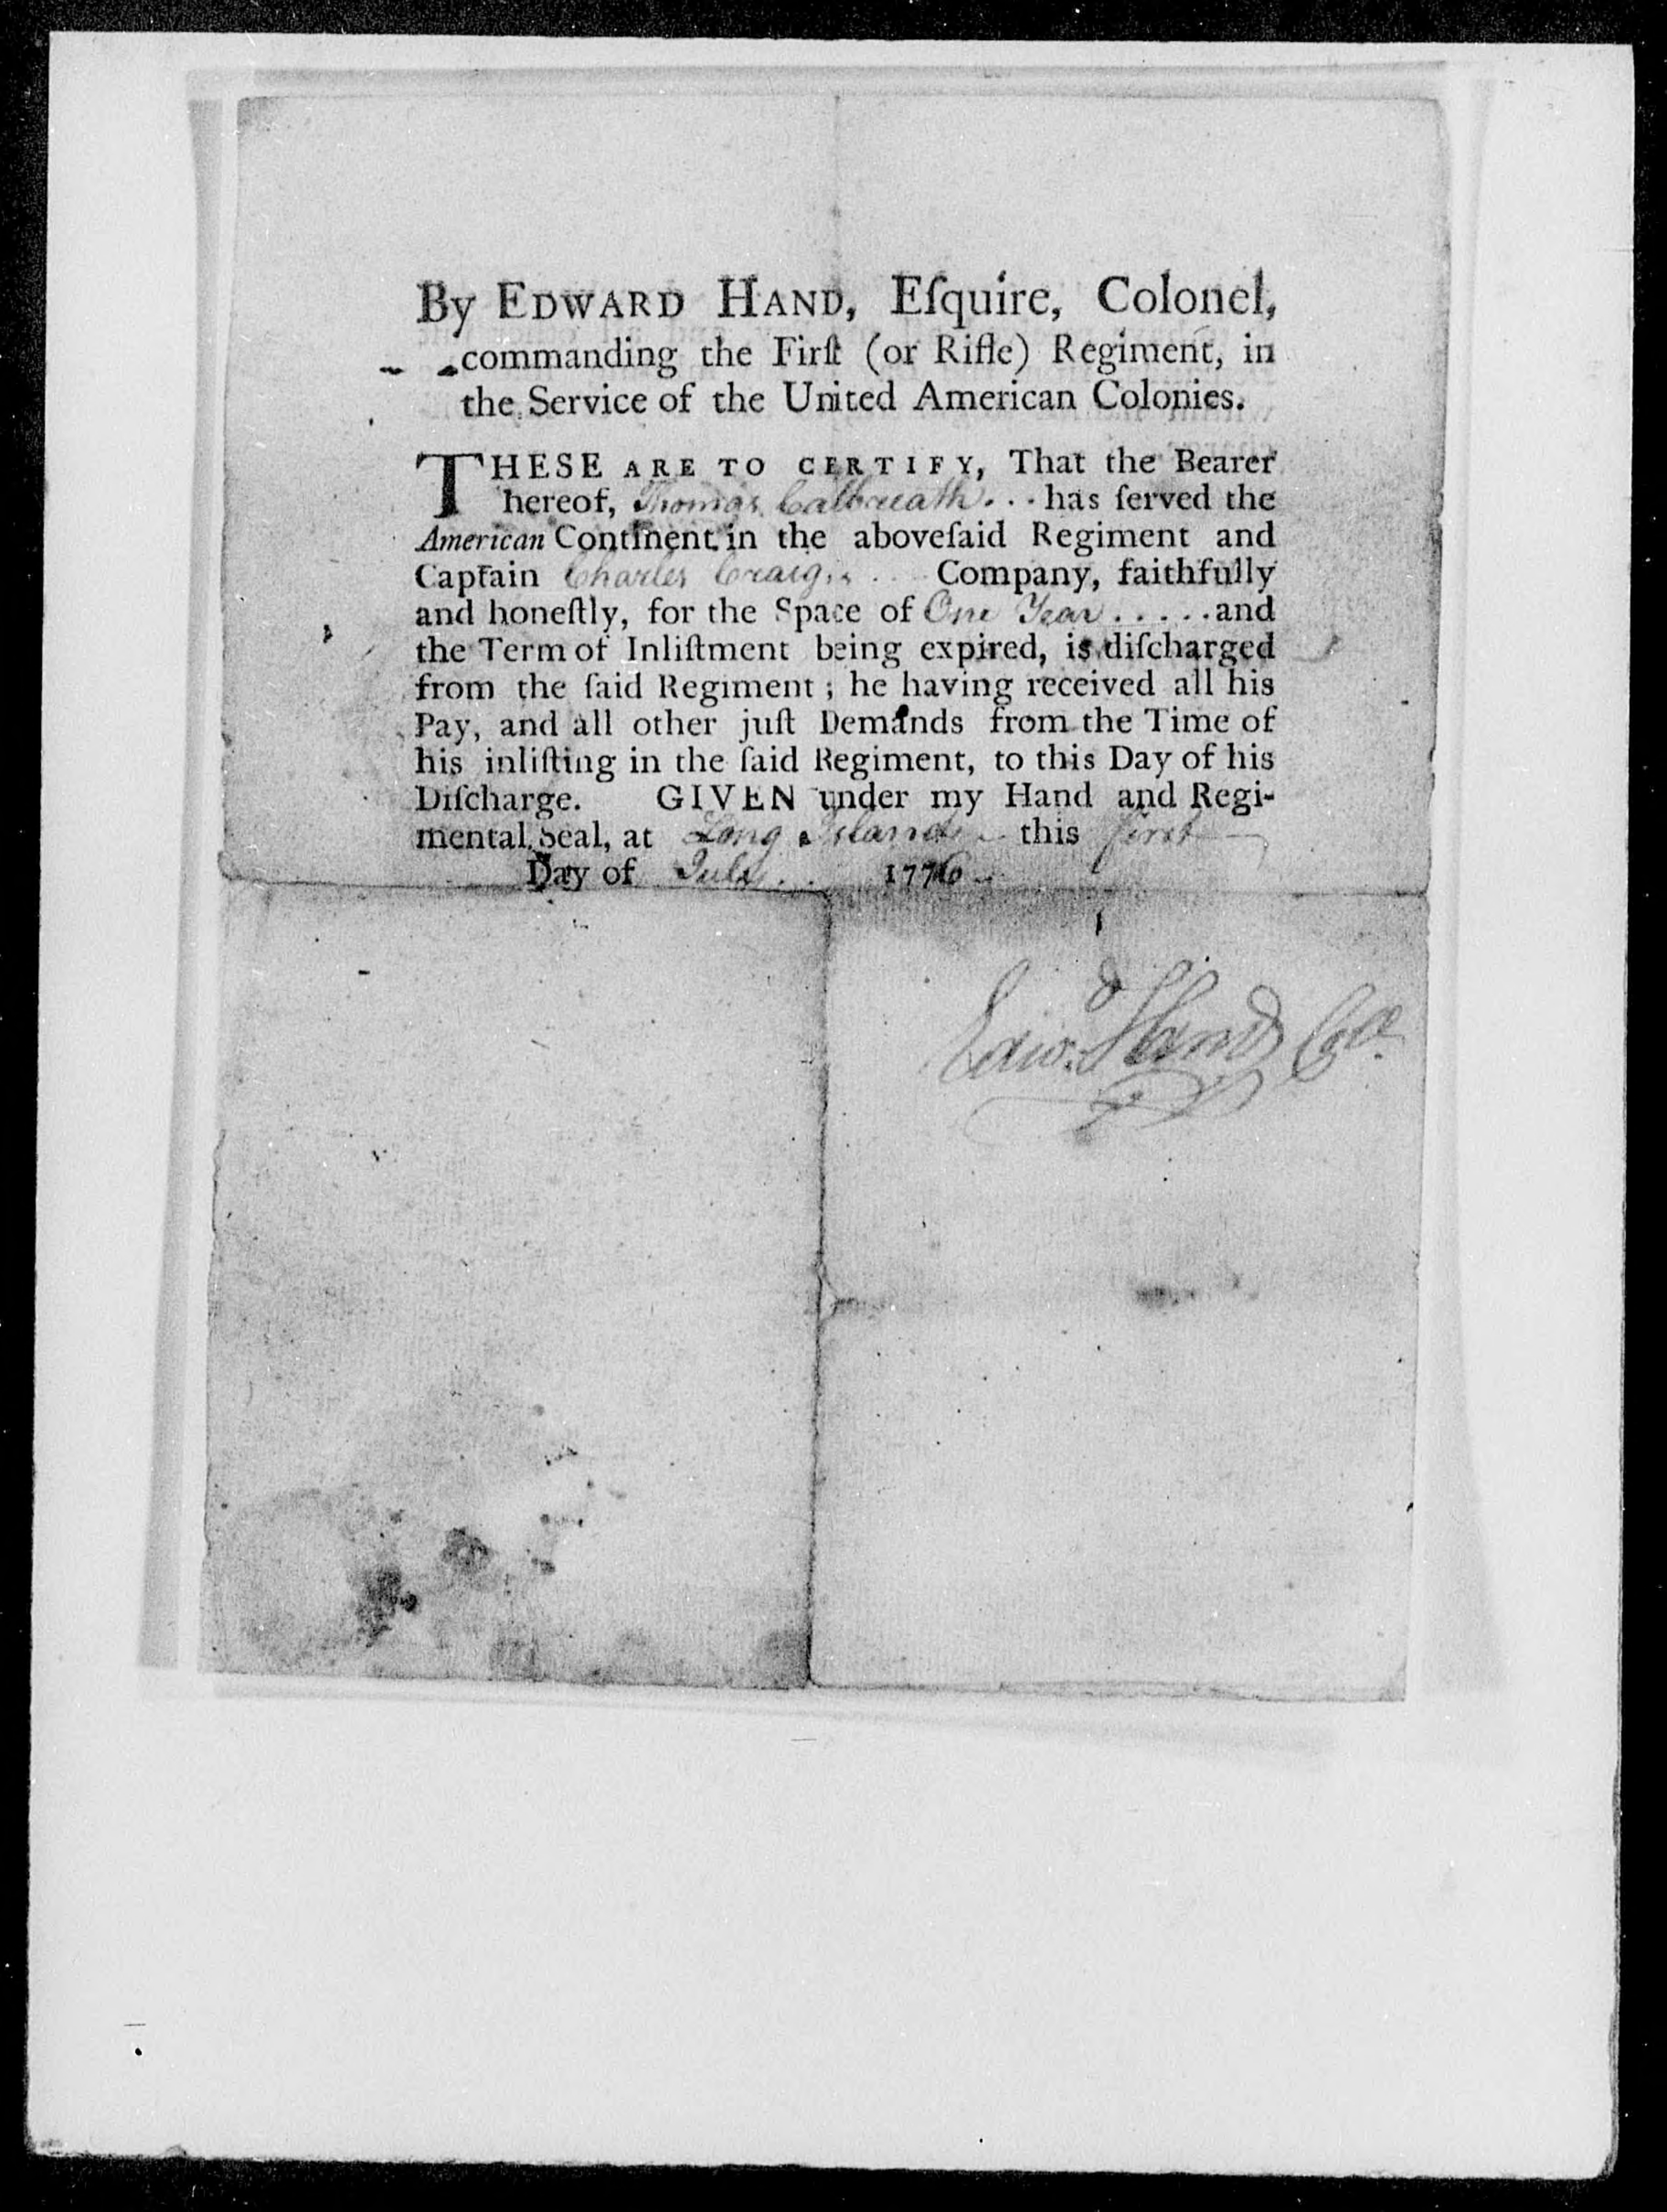By EDWARD HAND, Esquire, Colonel,
commanding the First (or Rifle Regiment, in
the Service of the United American Colonies.
THESE ARE TO CERTIFY, That the Bearer
hereof, Thomas Galbreath, has served the
American Continent in the abovesaid Regiment and Captain Charles Craig Company, faithfully
and honestly, for the space of one year and
the Term of Inlistment being expired, is discharged
from the said Regiment; he having received all his
Pay, and all other just Demands from the Time of
his inlisting in the said Regiment, to this Day of his
Discharge. GIVEN under my Hand and Regimental
seal, at Long Island this first Day of July 1776
Edw. Land Col.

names: Edwd Hand, Charles Craig, Edward Hand, Thomas Calbreath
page: 15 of 24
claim: survivor's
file: S. 38727, Thomas Gilbreath, Penn.